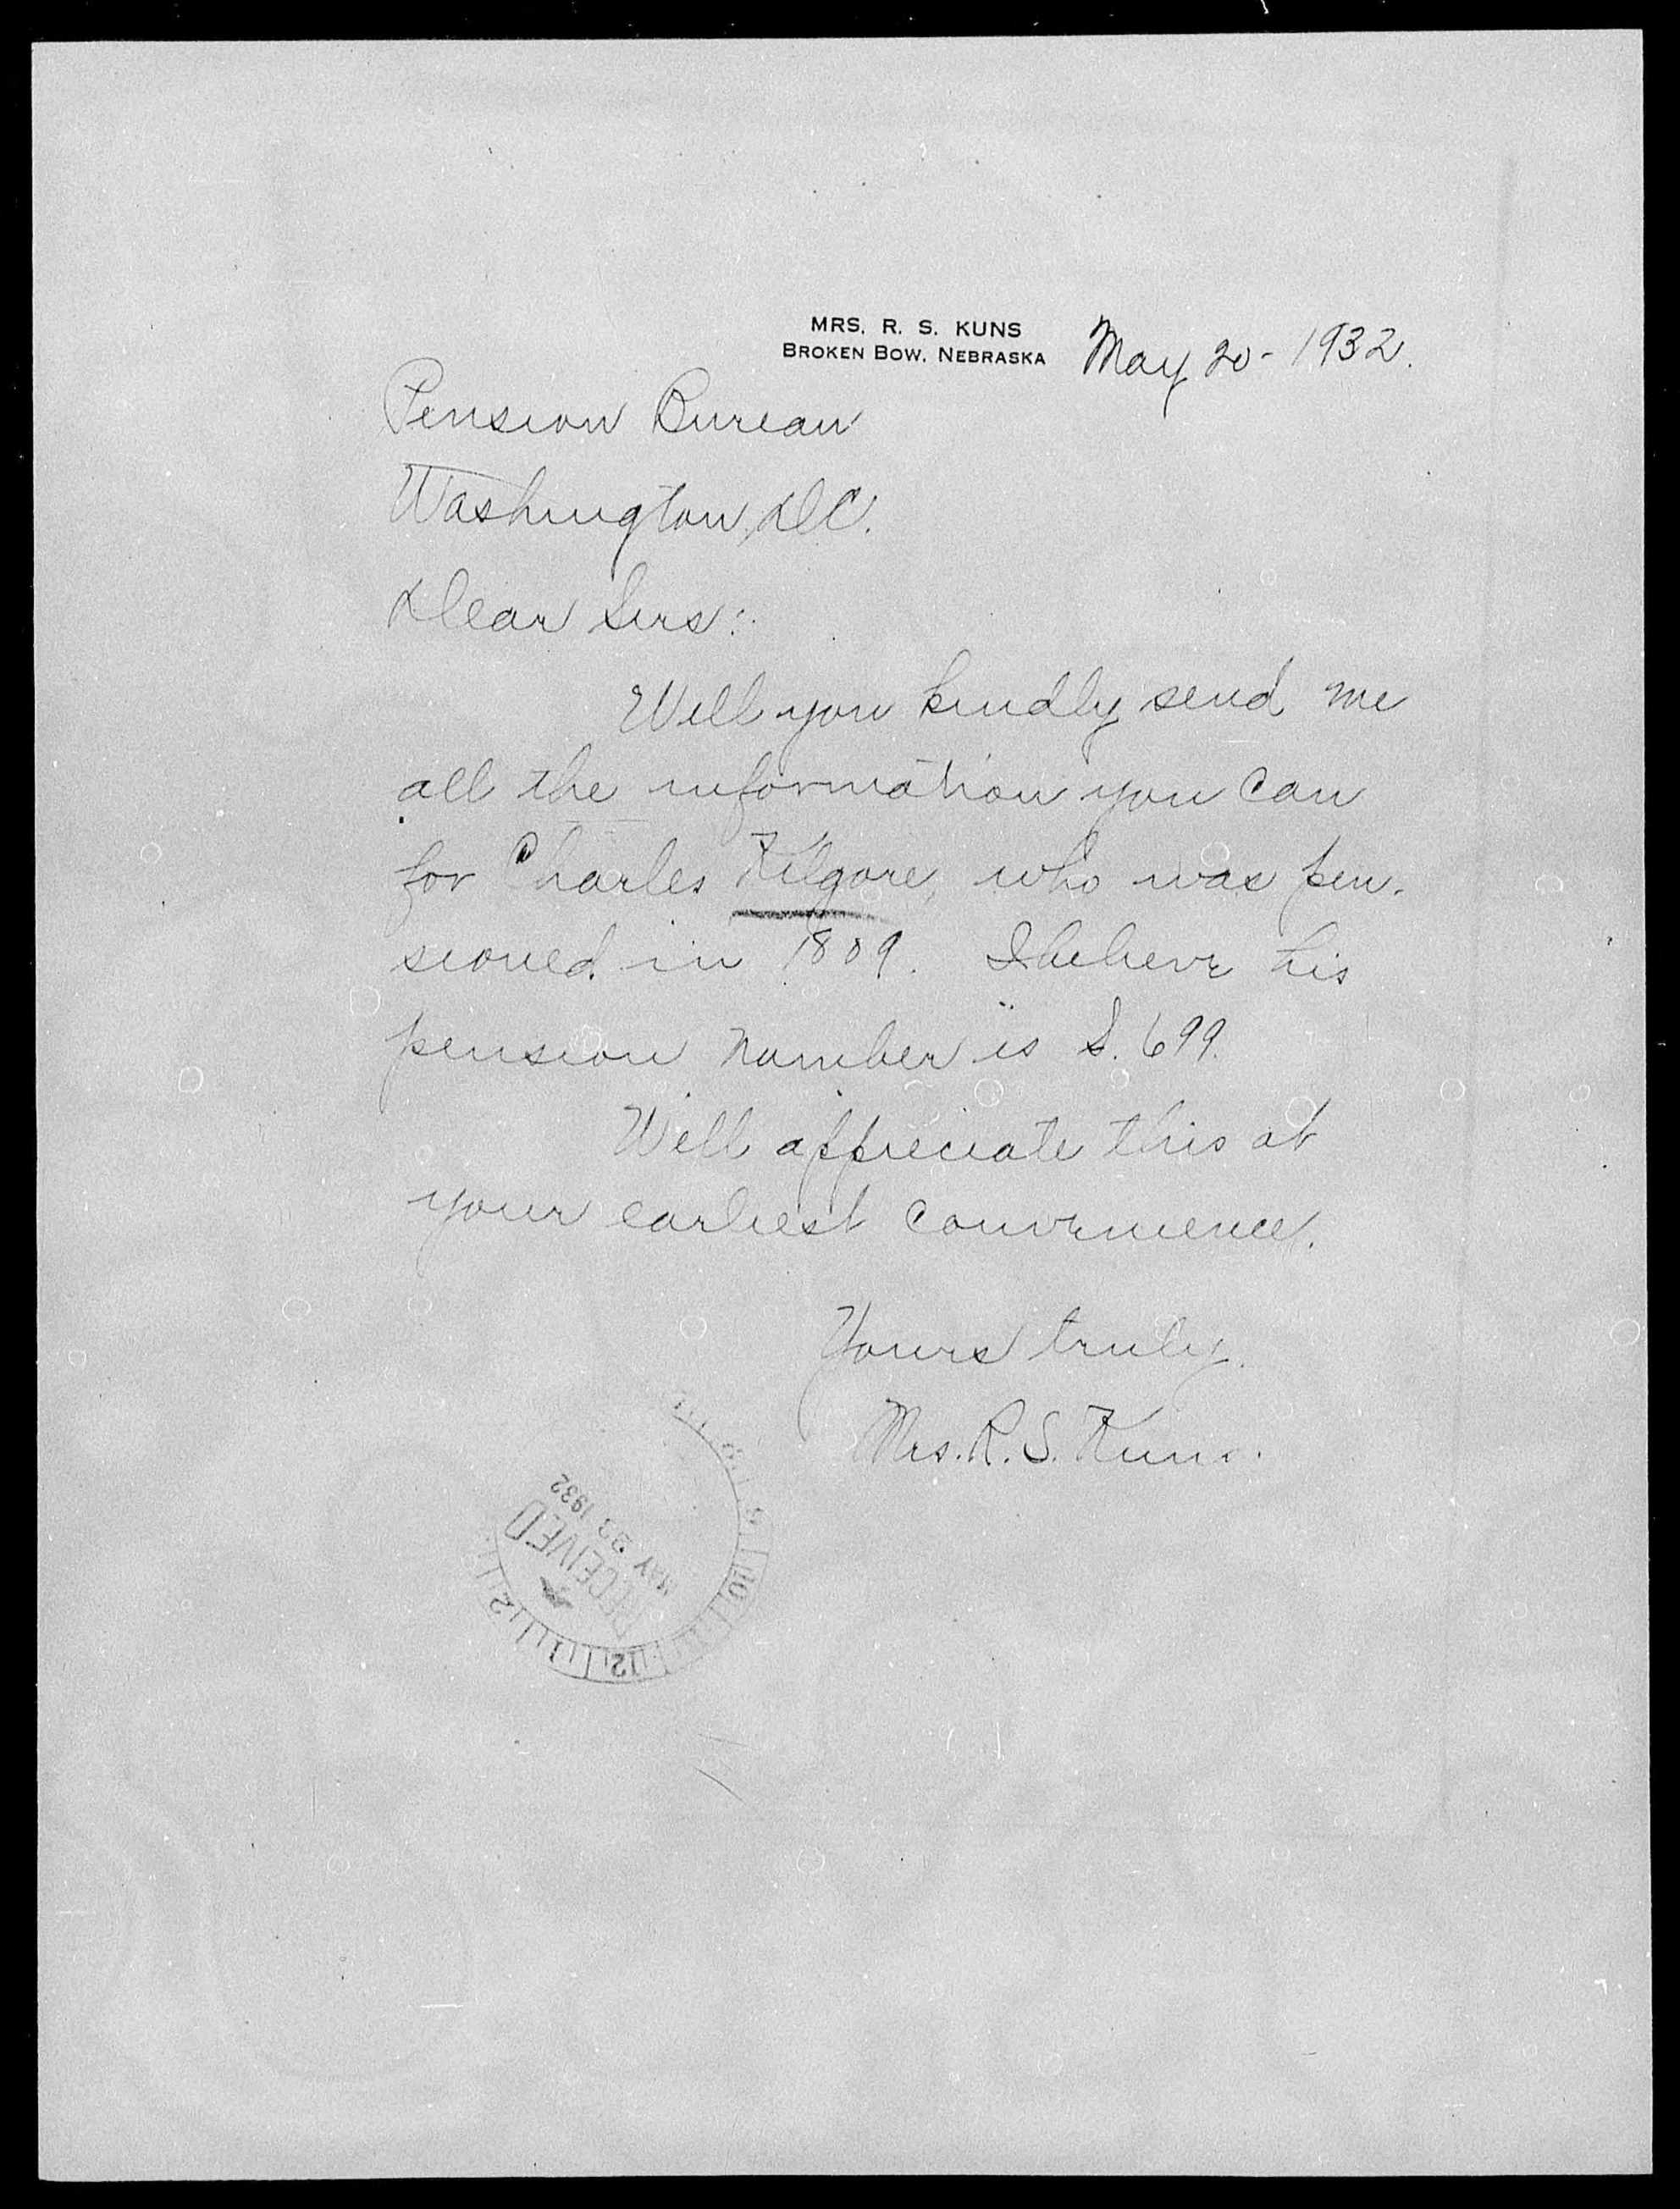MRS. R. S. KUNS
BROKEN BOW, NEBRASKA
May 20 - 1932.
Pension Bureau
Washington, DC.

Dear Sirs:
Will you kindly send me all the information you can
for Charles Killgore, who was pensioned in 1809. I believe his pension number is S. 699.
Will appreciate this at your earliest convenience.
Yours truly
Mrs. R. S. Kuns.

[stamped: RECEIVED MAY 23 1932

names: R S Kuns; Charles Kilgore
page: 34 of 115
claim: survivor's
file: S. 699, for Charles Kilgore, Virginia